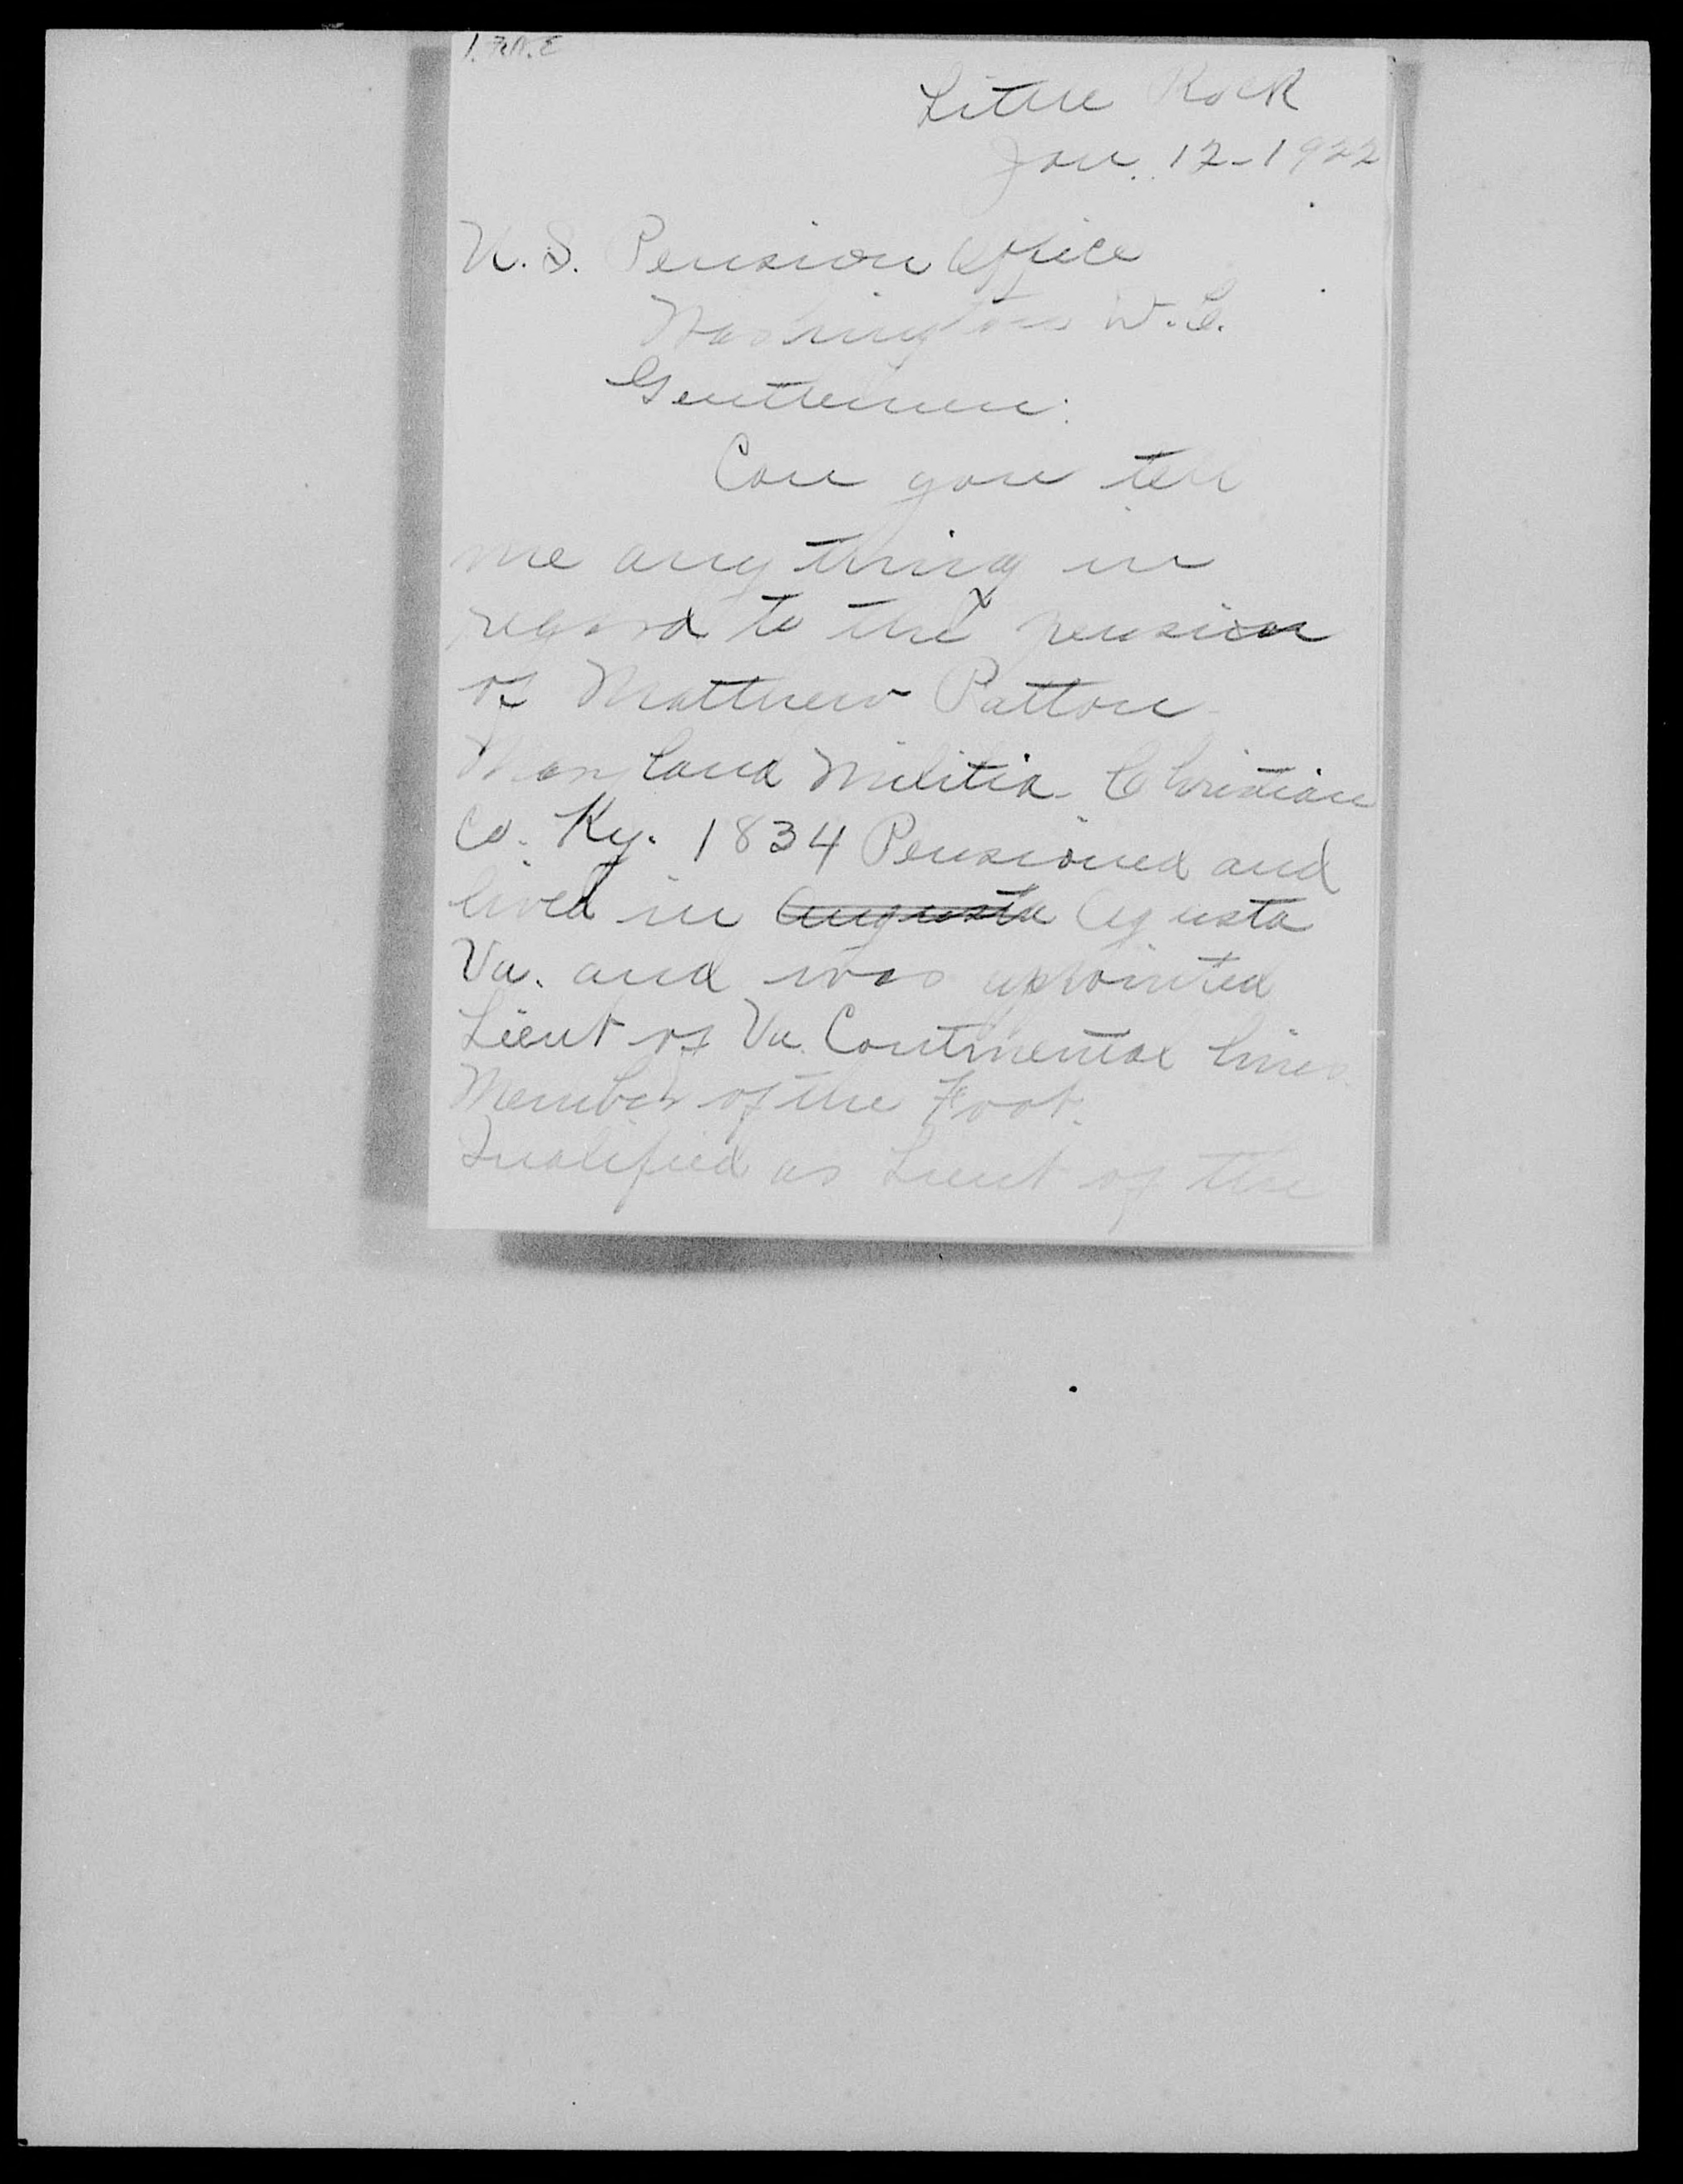1 Flr. E
Little Rock
Jaan 12 -1922
U.S. Pension Office
Washington D.C.
Gentlemen:
Can you tell me in
regard to the services of
Matthew Patton
Maryland Militia, Christian
Co. Ky. 1834 Pensioner and
lived in Augusta
Va. and was appointed
Lieut of Va. Continental line
Member of the Foot.
Qualified as Lieut of the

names: Matthew Patton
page: 22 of 45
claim: survivor's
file: S. 31294, for Matthew Patton, Maryland